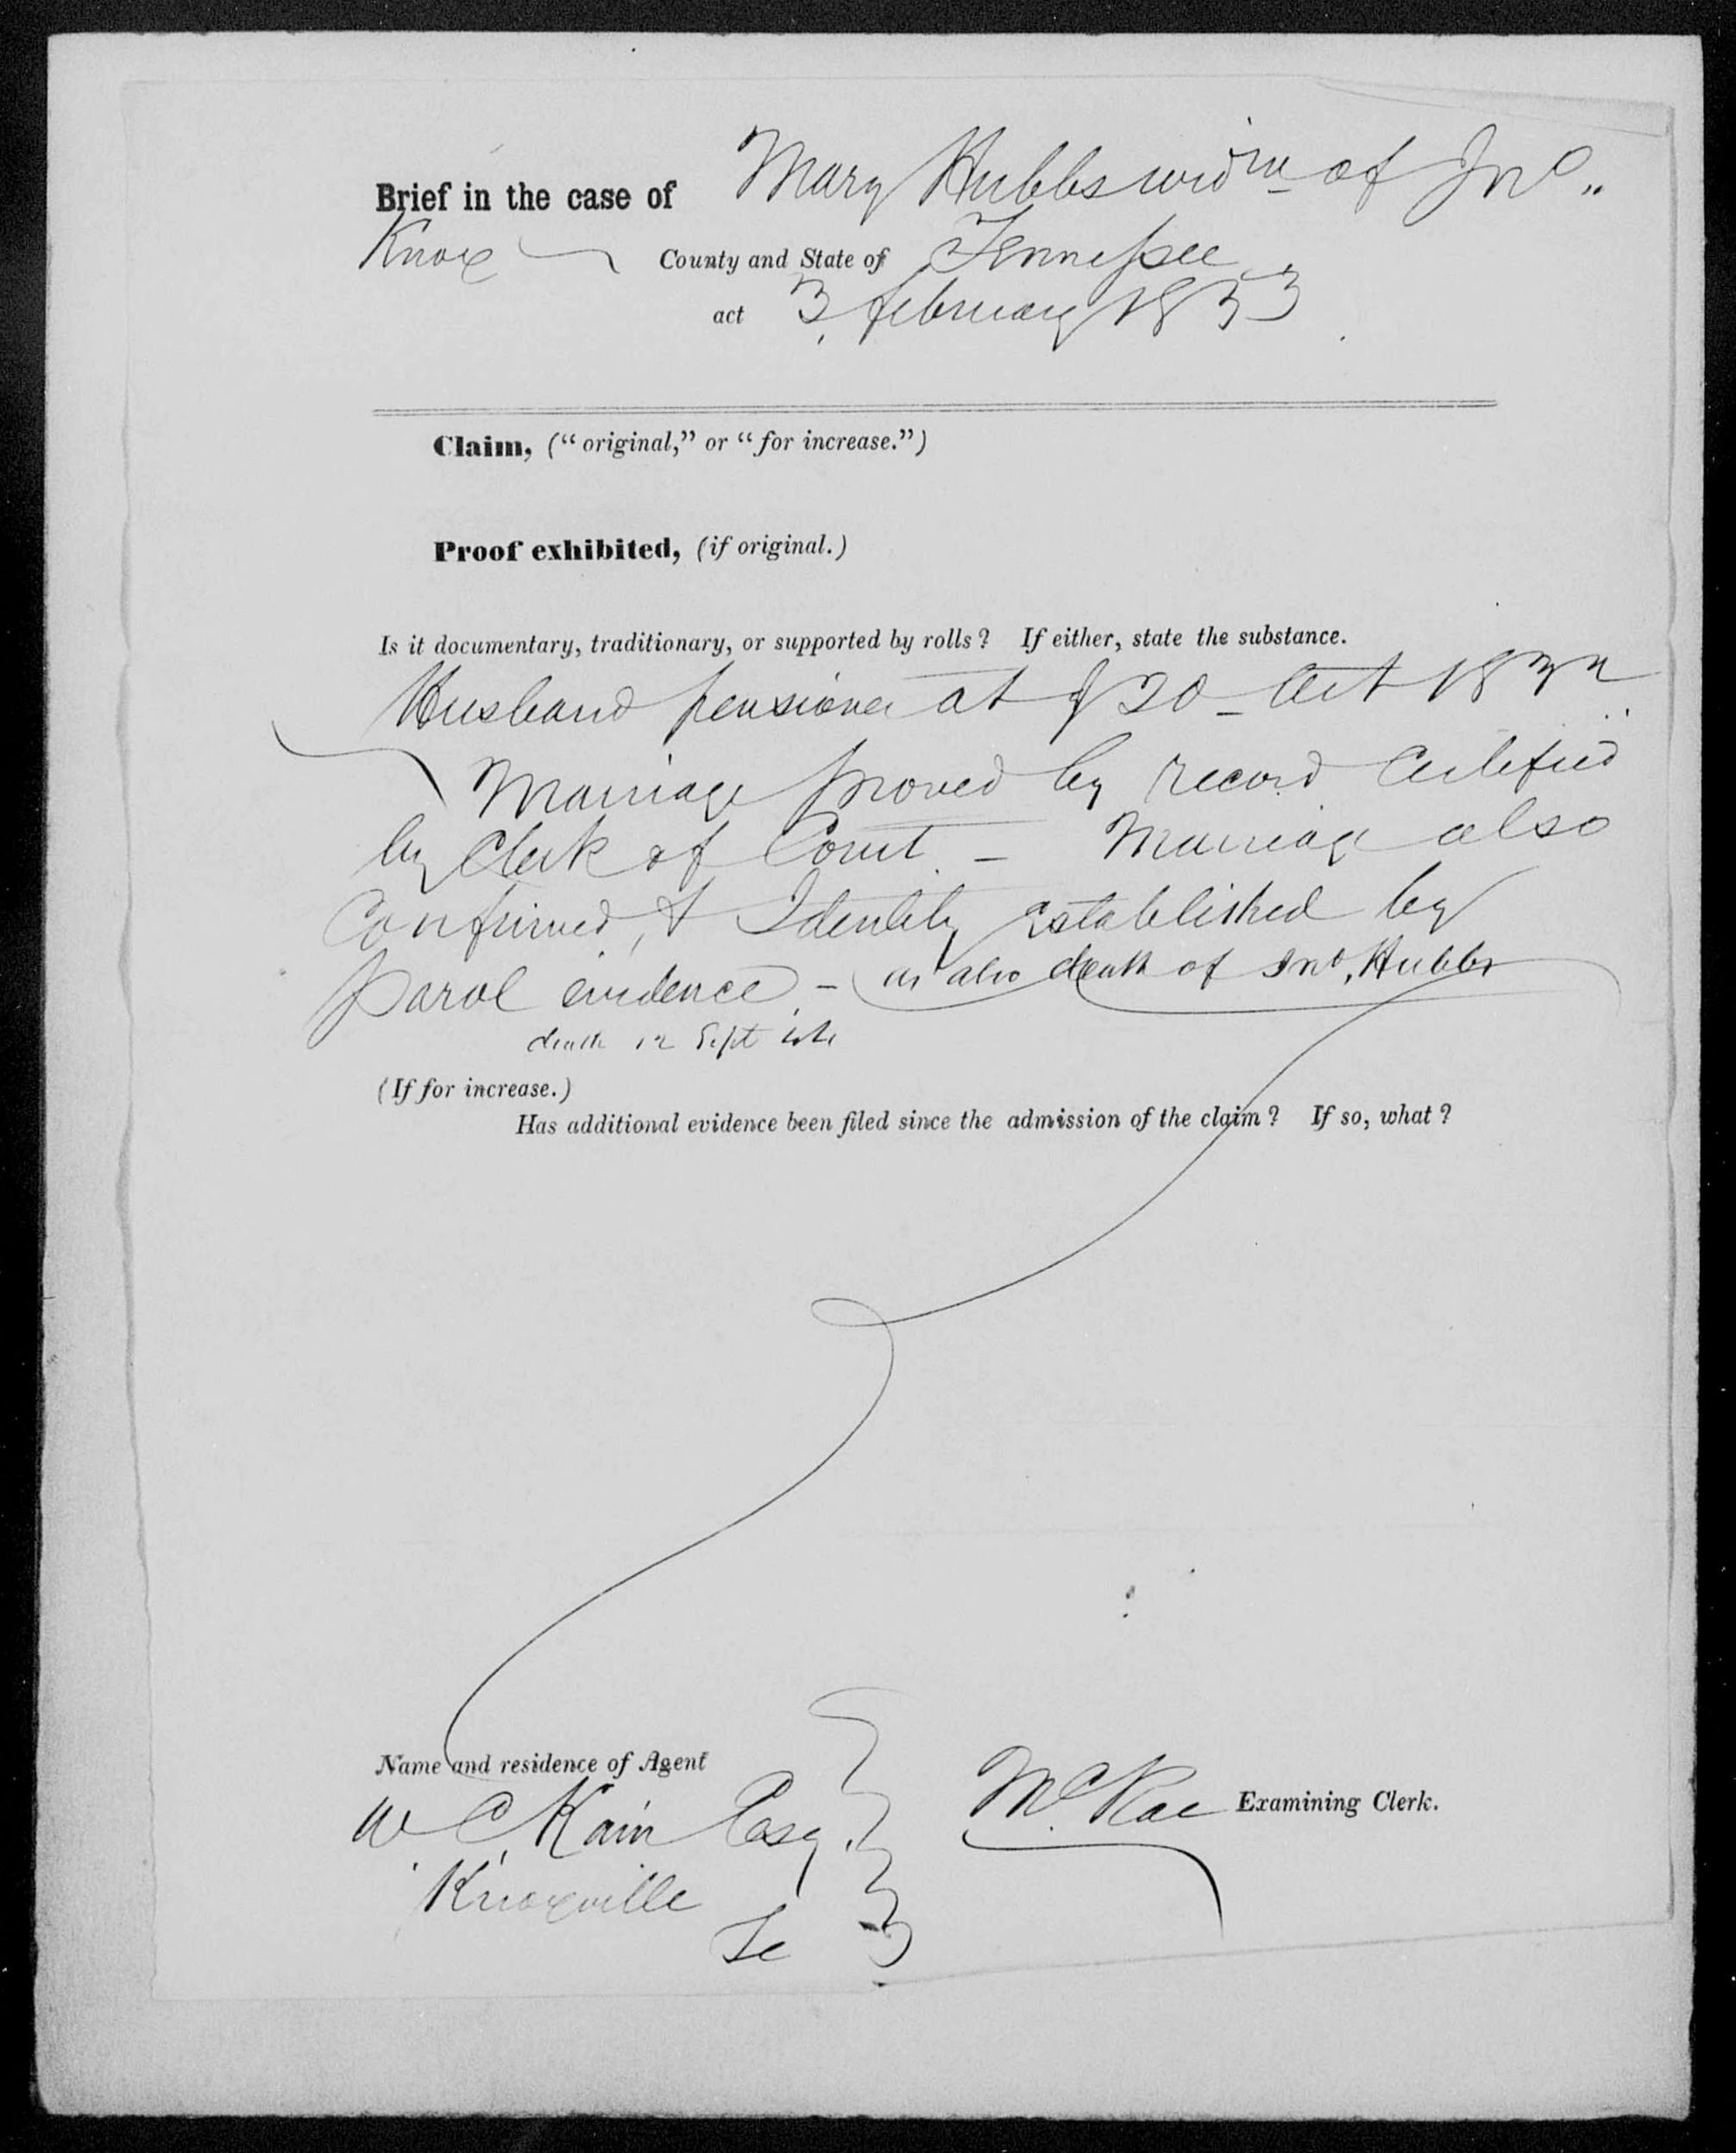Brief in the case of Mary Hubbs widow of Jno.
Knox County and State of Tennessee
act 3 February 1833.
---------------------------------
Claim ("original," or " for increase.)
Proof exhibited, (if original.)
Is it documentary, traditionary, or supported by rolls? If either, state the substance.
Husband pensioner act of 20 Oct 1833
Marriage proved by record certified
by Clerk of Court. -  Marriage also Confirmed, & Identity Established by parol evidence - as also death of Jno. Hubbs
death 12 Sept '44
(If for increase.)
Has additional evidence been filed since the admission of the claim? If so, what?
--------------------------
Name and residence of Agent
W.C. Kain Esq.
Knoxville 
Te

McRae Examining Clerk.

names: W C Kain, Jno Hubbs, Mary Hubbs, Mc Rae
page: 31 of 86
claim: widow's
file: W. 1035, John Hubbs, S.C.